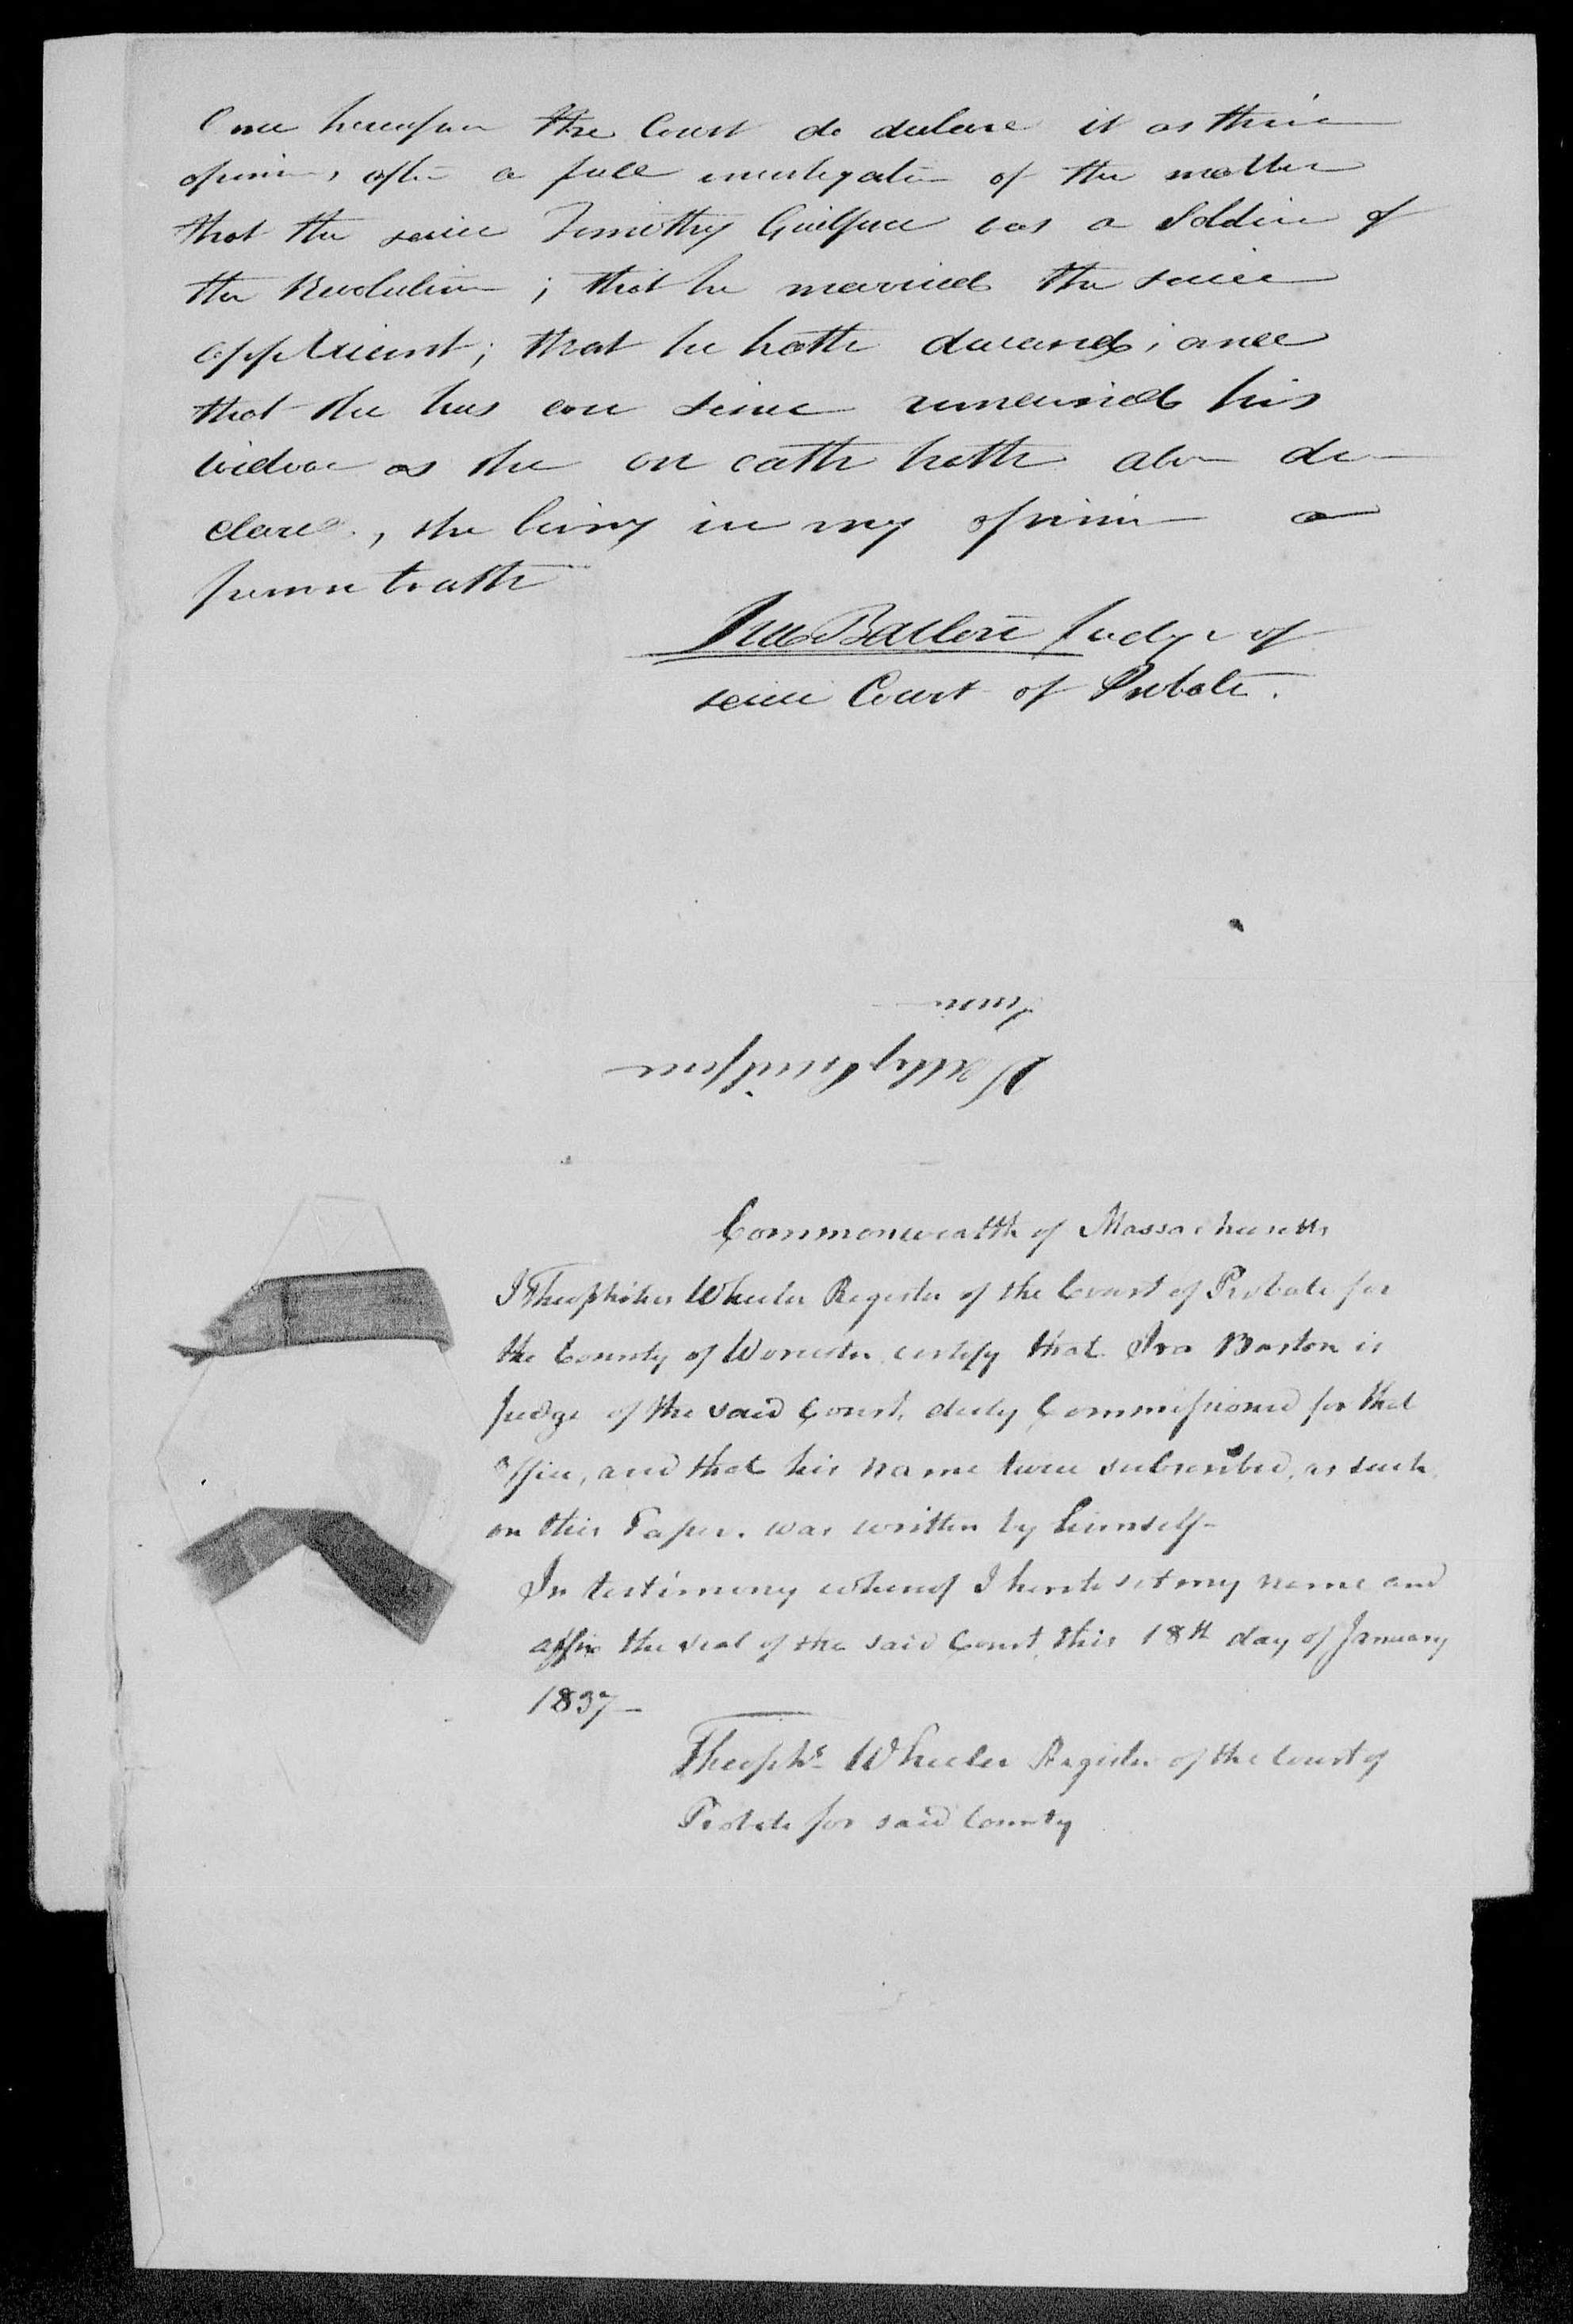and henceforth the Court do declare it as their opinion, after a full investigation of the matter that the said Timothy Guilford was a Soldier of the Revolution; that he married the said applicant; that he hathe deceased; and that she has not since remarried his widow as the on oath hath above declare; the being in my opinion a person of truth

Ira Barton (underlined) Judge of said Court of Probate
Sally Guilford Pension


Commonwealth of Massachusetts
I Theophilus Wheeler Register of the Court of Probate for the County of Worcester certify that Ira Barton is Judge of the said court, duly commissioned for that office, and that his name twice described as such on this Paper was written by himself -

In testimony whereof I hereunto set my hand and affix the seal of the said Court this 18th day of January 1837 -

Theophs Wheeler Register of the Court of Probate for said county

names: Timothy Guilford, Ira Barton, Theophs Wheeler, Sally Guilford, Theophilus Wheeler, Ira Barton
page: 17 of 26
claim: widow's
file: W. 21,238, Timothy Guilford, Mass.